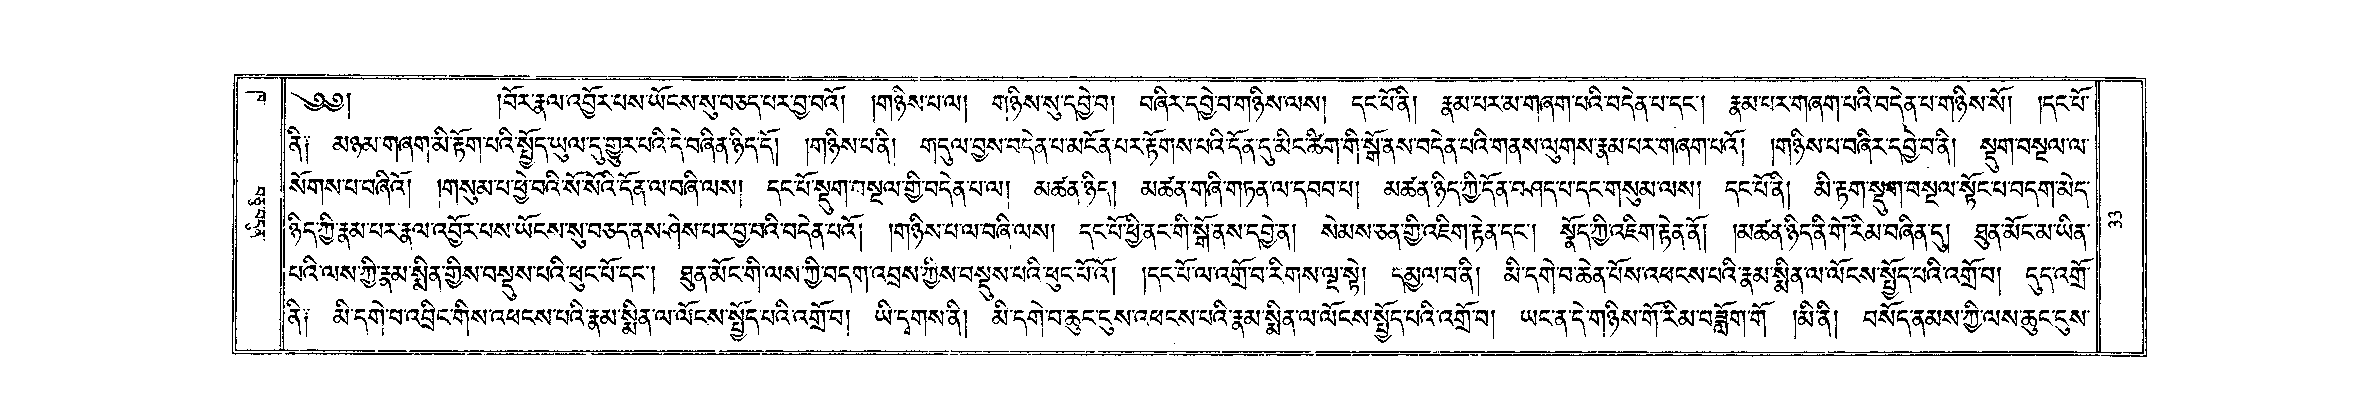༄༅། །བོར་རྣལ་འབྱོར་པས་ཡོངས་སུ་བཅད་པར་བྱ་བའོ། །གཉིས་པ་ལ། གཉིས་སུ་དབྱེ་བ། བཞིར་དབྱེ་བ་གཉིས་ལས། དང་པོ་ནི། རྣམ་པར་མ་གཞག་པའི་བདེན་པ་དང་། རྣམ་པར་གཞག་པའི་བདེན་པ་གཉིས་སོ། །དང་པོ་
ནི༑ མཉམ་གཞག་མི་རྟོག་པའི་སྤྱོད་ཡུལ་དུ་གྱུར་པའི་དེ་བཞིན་ཉིད་དོ། །གཉིས་པ་ནི། གདུལ་བྱས་བདེན་པ་མངོན་པར་རྟོགས་པའི་དོན་དུ་མིང་ཚིག་གི་སྒོ་ནས་བདེན་པའི་གནས་ལུགས་རྣམ་པར་གཞག་པའོ། །གཉིས་པ་བཞིར་དབྱེ་བ་ནི། སྡུག་བསྔལ་ལ་
སོགས་པ་བཞིའོ། །གསུམ་པ་ཕྱེ་བའི་སོ་སོའི་དོན་ལ་བཞི་ལས། དང་པོ་སྡུག་བསྔལ་གྱི་བདེན་པ་ལ། མཚན་ཉིད། མཚན་གཞི་གཏན་ལ་དབབ་པ། མཚན་ཉིད་ཀྱི་དོན་བཤད་པ་དང་གསུམ་ལས། དང་པོ་ནི། མི་རྟག་སྡུག་བསྔལ་སྟོང་པ་བདག་མེད་
ཉིད་ཀྱི་རྣམ་པར་རྣལ་འབྱོར་པས་ཡོངས་སུ་བཅད་ནས་ཤེས་པར་བྱ་བའི་བདེན་པའོ། །གཉིས་པ་ལ་བཞི་ལས། དང་པོ་ཕྱི་ནང་གི་སྒོ་ནས་དབྱེ་ན། སེམས་ཅན་གྱི་འཇིག་རྟེན་དང་། སྣོད་ཀྱི་འཇིག་རྟེན་ནོ། །མཚན་ཉིད་ནི་གོ་རིམ་བཞིན་དུ། ཐུན་མོང་མ་ཡིན་
པའི་ལས་ཀྱི་རྣམ་སྨིན་གྱིས་བསྡུས་པའི་ཕུང་པོ་དང་། ཐུན་མོང་གི་ལས་ཀྱི་བདག་འབྲས་ཀྱིས་བསྡུས་པའི་ཕུང་པོའོ། །དང་པོ་ལ་འགྲོ་བ་རིགས་ལྔ་སྟེ། དམྱལ་བ་ནི། མི་དགེ་བ་ཆེན་པོས་འཕངས་པའི་རྣམ་སྨིན་ལ་ལོངས་སྤྱོད་པའི་འགྲོ་བ། དུད་འགྲོ་
ནི༑ མི་དགེ་བ་འབྲིང་གིས་འཕངས་པའི་རྣམ་སྨིན་ལ་ལོངས་སྤྱོད་པའི་འགྲོ་བ། ཡི་དྭགས་ནི། མི་དགེ་བ་ཆུང་ངུས་འཕངས་པའི་རྣམ་སྨིན་ལ་ལོངས་སྤྱོད་པའི་འགྲོ་བ། ཡང་ན་དེ་གཉིས་གོ་རིམ་བཟློག་གོ །མི་ནི། བསོད་ནམས་ཀྱི་ལས་ཆུང་ངུས་